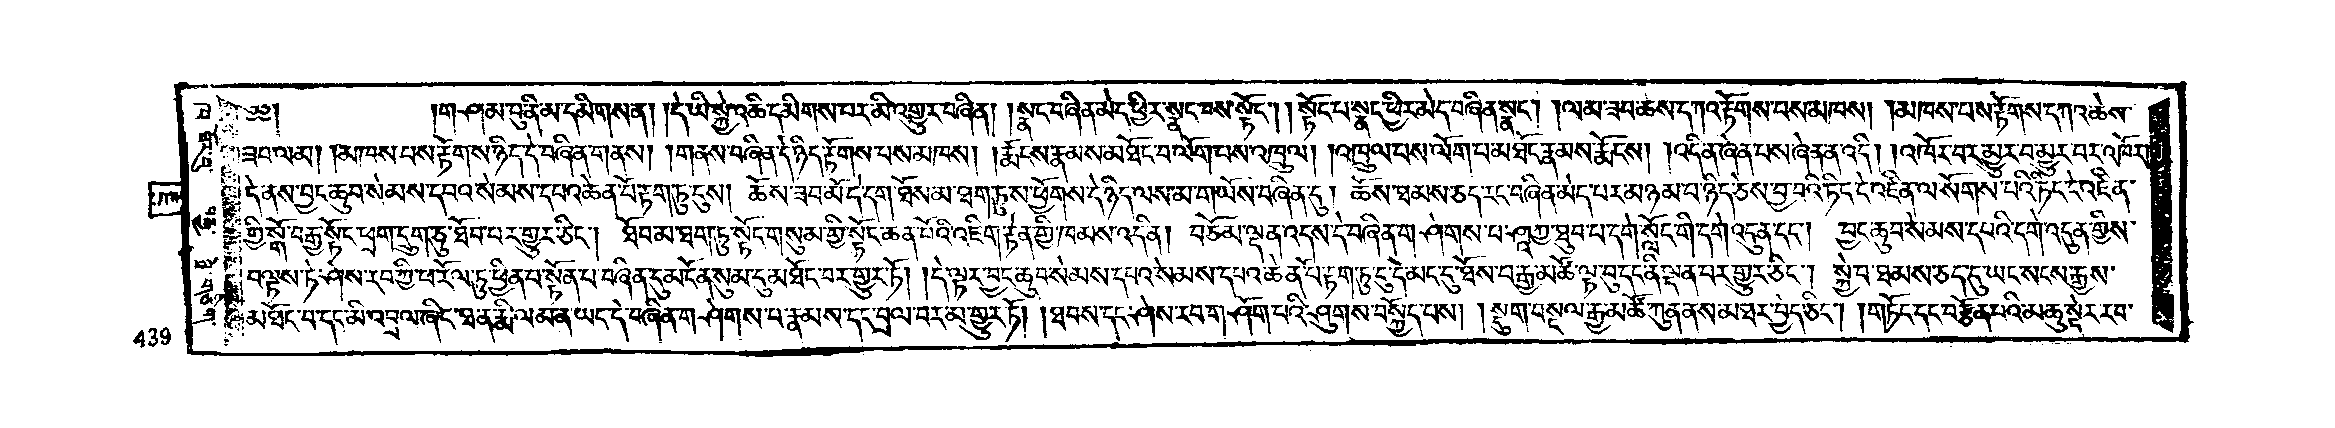༄༅། །གཤམ་བུ་ནི་མ་དམིགས་ན། །དེ་ཡི་སྐྱེ་འཆི་དམིགས་པར་མི་འགྱུར་བཞིན། །སྣང་བཞིན་མེད་ཕྱིར་སྣང་བས་སྟོང་། །སྟོང་པ་སྣང་ཕྱིར་མེད་བཞིན་སྣང་། །ལམ་ཟབ་ཆེས་དཀའ་རྟོགས་པས་མཁས། །མཁས་པས་རྟོགས་དཀའ་ཆེས་
ཟབ་ལམ། །མཁས་པས་རྟོགས་ཉིད་དེ་བཞིན་གནས། །གནས་བཞིན་དེ་ཉིད་རྟོགས་པས་མཁས། །རྨོངས་རྣམས་མཐོང་བ་ལོག་པས་འཁྲུལ། །འཁྲུལ་པས་ལོག་པ་མཐོང་རྣམས་རྨོངས། །འདི་ན་ཞེན་པས་ཞེན་ན་འདི། །འཁོར་བར་མྱུར་བ་མྱུར་བར་འཁོར། །
དེ་ནས་བྱང་ཆུབ་སེམས་དཔའ་སེམས་དཔའ་ཆེན་པོ་རྟག་ཏུ་དུས། ཆོས་ཟབ་མོ་དེ་དག་ཐོས་མ་ཐག་ཏུ་ས་ཕྱོགས་དེ་ཉིད་ལས་མ་གཡོས་བཞིན་དུ། ཆོས་ཐམས་ཅད་རང་བཞིན་མེད་པར་མཉམ་པ་ཉིད་ཅེས་བྱ་བའི་ཏིང་ངེ་འཛིན་ལ་སོགས་པའི་ཏིང་ངེ་འཛིན་
གྱི་སྒོ་བརྒྱ་སྟོང་ཕྲག་དྲུག་ཅུ་ཐོབ་པར་གྱུར་ཅིང་། ཐོབ་མ་ཐག་ཏུ་སྟོང་གསུམ་གྱི་སྟོང་ཆེན་པོའི་འཇིག་རྟེན་གྱི་ཁམས་འདི་ན། བཅོམ་ལྡན་འདས་དེ་བཞིན་གཤེགས་པ་ཤཱཀྱ་ཐུབ་པ་དགེ་སློང་གི་དགེ་འདུན་དང་། བྱང་ཆུབ་སེམས་དཔའི་དགེ་འདུན་གྱིས་
བལྟས་ཏེ་ཤེས་རབ་ཀྱི་ཕ་རོལ་ཏུ་ཕྱིན་པ་སྟོན་པ་བཞིན་དུ་མངོན་སུམ་དུ་མཐོང་བར་གྱུར་ཏོ། །དེ་ལྟར་བྱང་ཆུབ་སེམས་དཔའ་སེམས་དཔའ་ཆེན་པོ་རྟག་ཏུ་ངུ་དེ་མང་དུ་ཐོས་པ་རྒྱ་མཚོ་ལྟ་བུ་དང་ནི་ལྡན་པར་གྱུར་ཅིང་། སྐྱེ་བ་ཐམས་ཅད་དུ་ཡང་སངས་རྒྱས་
མཐོང་བ་དང་མི་འབྲལ་ཞིང་ཐ་ན་རྨི་ལམ་ན་ཡང་དེ་བཞིན་གཤེགས་པ་རྣམས་དང་བྲལ་བར་མ་གྱུར་ཏོ། །ཐབས་དང་ཤེས་རབ་གཤོག་པའི་ཤུགས་བསྐྱོད་པས། །སྡུག་བསྔལ་རྒྱ་མཚོ་ཀུན་ནས་མཐར་བྱེད་ཅིང་། །གཏོང་དང་བརྩོན་པའི་མཆུ་སྡེར་རབ་